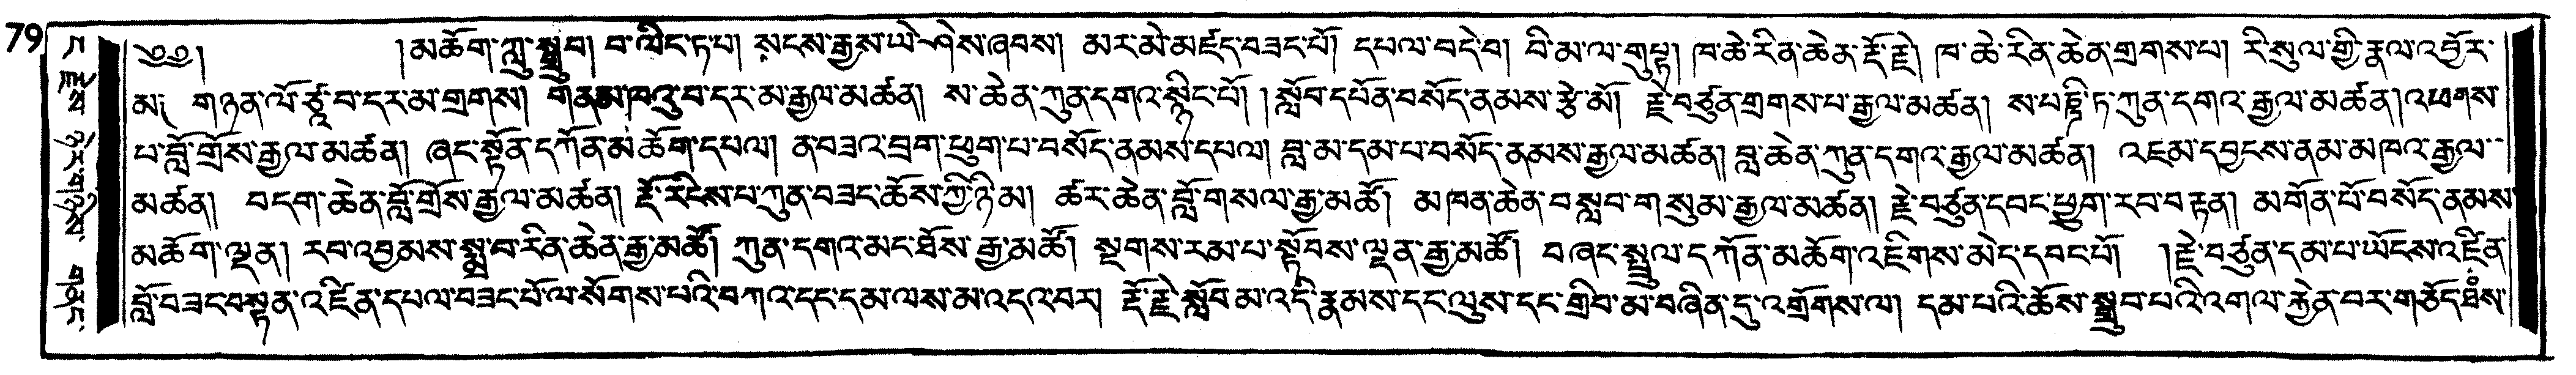༄༅། །མཆོག་ཀླུ་སྒྲུབ། བ་ལིང་ཏ་པ། སངས་རྒྱས་ཡེ་ཤེས་ཞབས། མར་མེ་མཛད་བཟང་པོ། དཔལ་བདེ་བ། བི་མ་ལ་གུཔྟ། ཁ་ཆེ་རིན་ཆེན་རྡོ་རྗེ། ཁ་ཆེ་རིན་ཆེན་གྲགས་པ། རི་སུལ་གྱི་རྣལ་འབྱོར་
མ༑ གཉན་ལོ་ཙཱ་བ་དར་མ་གྲགས། གནམ་ཁའུ་བ་དར་མ་རྒྱལ་མཚན། ས་ཆེན་ཀུན་དགའ་སྙིང་པོ། །སློབ་དཔོན་བསོད་ནམས་རྩེ་མོ། རྗེ་བཙུན་གྲགས་པ་རྒྱལ་མཚན། ས་པཎྜི་ཏ་ཀུན་དགའ་རྒྱལ་མཚན། འཕགས་
པ་བློ་གྲོས་རྒྱལ་མཚན། ཞང་སྟོན་དཀོན་མཆོག་དཔལ། ན་བཟའ་བྲག་ཕུག་པ་བསོད་ནམས་དཔལ། བླ་མ་དམ་པ་བསོད་ནམས་རྒྱལ་མཚན། བླ་ཆེན་ཀུན་དགའ་རྒྱལ་མཚན། འཇམ་དབྱངས་ནམ་མཁའ་རྒྱལ་
མཚན། བདག་ཆེན་བློ་གྲོས་རྒྱལ་མཚན། རྡོ་རིངས་པ་ཀུན་བཟང་ཆོས་ཀྱི་ཉི་མ། ཚར་ཆེན་བློ་གསལ་རྒྱ་མཚོ། མཁན་ཆེན་བསླབ་གསུམ་རྒྱལ་མཚན། རྗེ་བཙུན་དབང་ཕྱུག་རབ་བརྟན། མགོན་པོ་བསོད་ནམས་
མཆོག་ལྡན། རབ་འབྱམས་སྨྲ་བ་རིན་ཆེན་རྒྱ་མཚོ། ཀུན་དགའ་མང་ཐོས་རྒྱ་མཚོ། སྔགས་རམ་པ་སྟོབས་ལྡན་རྒྱ་མཚོ། བཞང་སྤྲུལ་དཀོན་མཆོག་འཇིགས་མེད་དབང་པོ། །རྗེ་བཙུན་དམ་པ་ཡོངས་འཛིན་
བློ་བཟང་བསྟན་འཛིན་དཔལ་བཟང་པོ་ལ་སོགས་པའི་བཀའ་དང་དམ་ལས་མ་འདའ་བར། རྡོ་རྗེ་སློབ་མ་འདི་རྣམས་དང་ལུས་དང་གྲིབ་མ་བཞིན་དུ་འགྲོགས་ལ། དམ་པའི་ཆོས་སྒྲུབ་པའི་འགལ་རྐྱེན་བར་གཅོད་ཐམས་